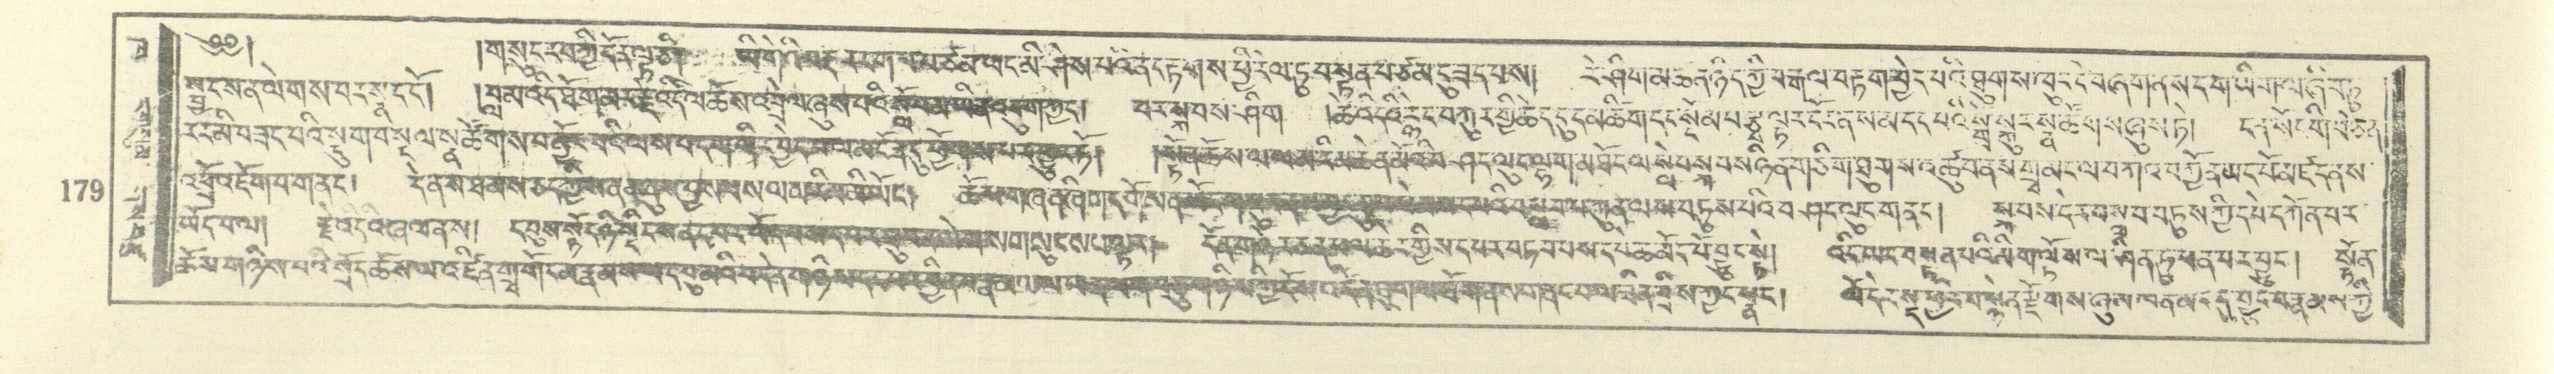༄༅། །གསུང་རབ་ཀྱི་དོན་ལྟ་ཅི། ཡི་གེའི་བརྡར་རགས་པ་ཙམ་ཡང་མི་ཤེས་པའི་ནང་རྟགས་ཕྱི་རེལ་ཏུ་བསྟན་པ་ཙམ་དུ་ཟད་པས། རེ་ཤིག་མཚན་ཉིད་ཀྱི་བརྒལ་བརྟག་བྱེད་པའི་ཐུགས་ཁུར་དེ་བཞག་ནས་དག་ཡིག་ལ་ཞིབ་ཏུ་
སྦྱངས་ན་ལེགས་པར་སྣང་ངོ། །བླ་མ་འདི་ཐོག་མར་རྗེ་འདི་ལ་ཆོས་འབྲེལ་ཞུས་པའི་སློབ་མ་ཡིན་འདུག་ཀྱང་། པར་སྐབས་ཤིག །ཆེ་འདིའི་རྙེད་བཀུར་གྱི་ཆེད་དུ་དམ་ཚིག་དང་སྔོམ་པ་རྩྭ་ལྟར་ངོར་ནས་མ་དད་པའི་སྒྲོ་སྐུར་སྣ་ཚོགས་ཞུས་ཏེ། ངན་སོང་གི་བོ་ཙན་
རར་མི་བཟང་པའི་སྡུག་བསྔལ་སྣ་ཚོགས་པ་མྱོང་པའི་ལས་བདག་གིར་བྱེད་པ་ལ་མངོན་དུ་ཕྱོགས་པར་གྱུར་ཏོ། །སྟོན་ཆོས་ལ་ལམ་རིམ་ཆེན་མོའི་བཤད་ལུང་ལྷག་མཐོང་ལ་སླེབ་སྐབས་ཉིན་གཅིག་ཐུགས་འཚུབ་ནས་གྲྭ་མང་ལ་བཀའ་བཀྱོན་མང་པོ་མཛད་ནས་
འཕྲོ་འཇོག་པ་གནང་། དེ་ནས་ཐམས་ཅད་ཀྱིས་གནན་ཞུས་བྱས་བས་ལམ་རིམ་མི་ཡོད། ཆོས་གཞན་ཞིག་དགོས་ན་ཡོང་གསུང་ནས་བྱང་ཆུབ་སེམས་དཔའི་བསླབ་པ་ཀུན་ལས་བཏུས་པའི་བཤད་ལུང་གནང་། སྐབས་དེར་བསླབ་བཏུས་ཀྱི་དཔེ་དཀོན་པར་
ཡོད་པ་ལ། རྗེ་འདིའི་ཞལ་ནས། དབུས་སྟོད་ཉི་སྡིངས་ནད་པར་ཡོད་པས་དབར་ཐུབ་ན་ལེགས་གསུངས་པ་ལྟར། དོན་གཉེར་ཅན་ཕལ་ཆེར་གྱིས་དཔར་བཏབ་པས་དཔེ་ཆ་མོད་པོ་བྱུང་སྟེ། འདི་ཡང་བསྟན་པའི་མིག་ལྟོས་ལ་ཤིན་ཏུ་ཕན་པར་བྱུང་། སྟོན་
ཆོས་གཉིས་པའི་སྲོད་ཆོས་ལ་འཛིན་གྲྭ་གོང་མ་རྣམས་ལ་དབུ་མའི་བདེན་གཉིས་དང་ཕར་ཕྱིན་པ་རྣམས་ལ་ཡན་ལག་བཅུ་གཉིས་ཀྱི་ངོས་འཛིན་ཐུགས་ཐོག་ནས་གནང་པ་ལ་ཟིན་བྲིས་ཀྱང་སྣང་། ལོ་དེར་སྔ་ཕྱིར་བསྙེན་རྫོགས་ཞུ་མཁན་མང་དུ་བྱུང་བ་རྣམས་ཀྱི་